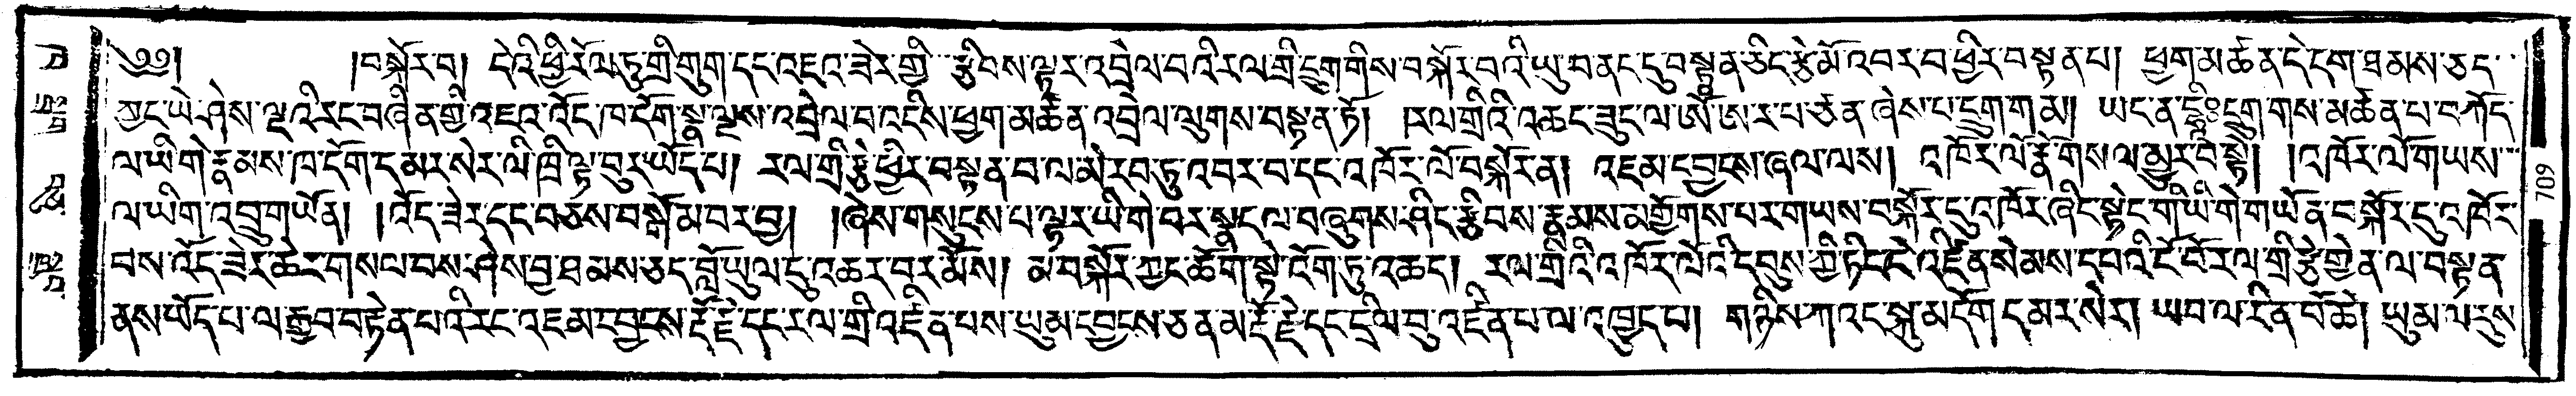༄༅། །བསྐོར་བ། དེའི་ཕྱི་རོལ་ཏུ་གྲི་གུག་དང་འཇའ་ཟེར་གྱི་རྩིབས་ལྟར་འབྲེལ་བའི་རལ་གྲི་དྲུག་གིས་བསྐོར་བའི་ཡུ་བ་ནང་དུ་བསྟན་ཅིང་རྩེ་མོ་འབར་བ་ཕྱིར་བསྟན་པ། ཕྱག་མཚན་དེ་དག་ཐམས་ཅད་
ཀྱང་ཡེ་ཤེས་ལྔའི་རང་བཞིན་གྱི་འཇའ་འོང་ཁ་དོག་སྣ་ལྔས་འབྲེལ་བ་འདིས་ཕྱག་མཚན་འབྲེལ་ལུགས་བསྟན་ཏོ། །རལ་གྲིའི་འཆང་ཟུང་ལ་ཨོཾ་ཨ་ར་པ་ཙ་ན་ཞེས་པ་དྲུག་གམ། ཡང་ན་དྷཱིཿདྲུག་གིས་མཚན་པ་བཀོད་
ལ་ཡི་གེ་རྣམས་ཁ་དོག་དམར་སེར་ལི་ཁྲི་ལྟ་བུར་ཡོད་པ། རལ་གྲི་རྩེ་ཕྱིར་བསྟན་པ་ལ་མེ་རབ་ཏུ་འབར་བ་དང་འཁོར་ལོ་བསྐོར་ན། འཇམ་དབྱངས་ཞལ་ལས། འཁོར་ལོ་རྣོ་གསལ་མྱུར་བ་སྟེ། །འཁོར་ལོ་གཡས་
ལ་ཡིག་འབྲུ་གཡོན། །འོད་ཟེར་དང་བཅས་བསྒོམ་བར་བྱ། །ཞེས་གསུངས་པ་ལྟར་ཡི་གེ་བར་སྣང་ལ་བཞུགས་ཤིང་རྩིབས་རྣམས་མགྱོགས་པར་གཡས་བསྐོར་དུ་འཁོར་ཞིང་སྟེང་གི་ཡི་གེ་གཡོན་བསྐོར་དུ་འཁོར་
བས་འོད་ཟེར་ཆེར་གསལ་བས་ཤེས་བྱ་ཐམས་ཅད་བློ་ཡུལ་དུ་འཆར་བར་མོས། མ་བསྐོར་ཀྱང་ཆོག་སྟེ་འོག་ཏུ་འཆད། རལ་གྲིའི་འཁོར་ལོའི་དབུས་ཀྱི་ཏིང་ངེ་འཛིན་སེམས་དཔའི་ངོ་བོ་རལ་གྲི་རྩེ་གྱེན་ལ་བསྟན་
ནས་ཡོད་པ་ལ་རྒྱབ་བརྟེན་པའི་རང་འཇམ་དབྱངས་རྡོ་རྗེ་དང་རལ་གྲི་འཛིན་པས་ཡུམ་དབྱངས་ཅན་མ་རྡོ་རྗེ་དང་དྲིལ་བུ་འཛིན་པ་ལ་འཁྱུད་པ། གཉིས་ཀའང་སྐུ་མདོག་དམར་སེར། ཡབ་ལ་རིན་པོ་ཆེ། ཡུམ་ལ་རུས་